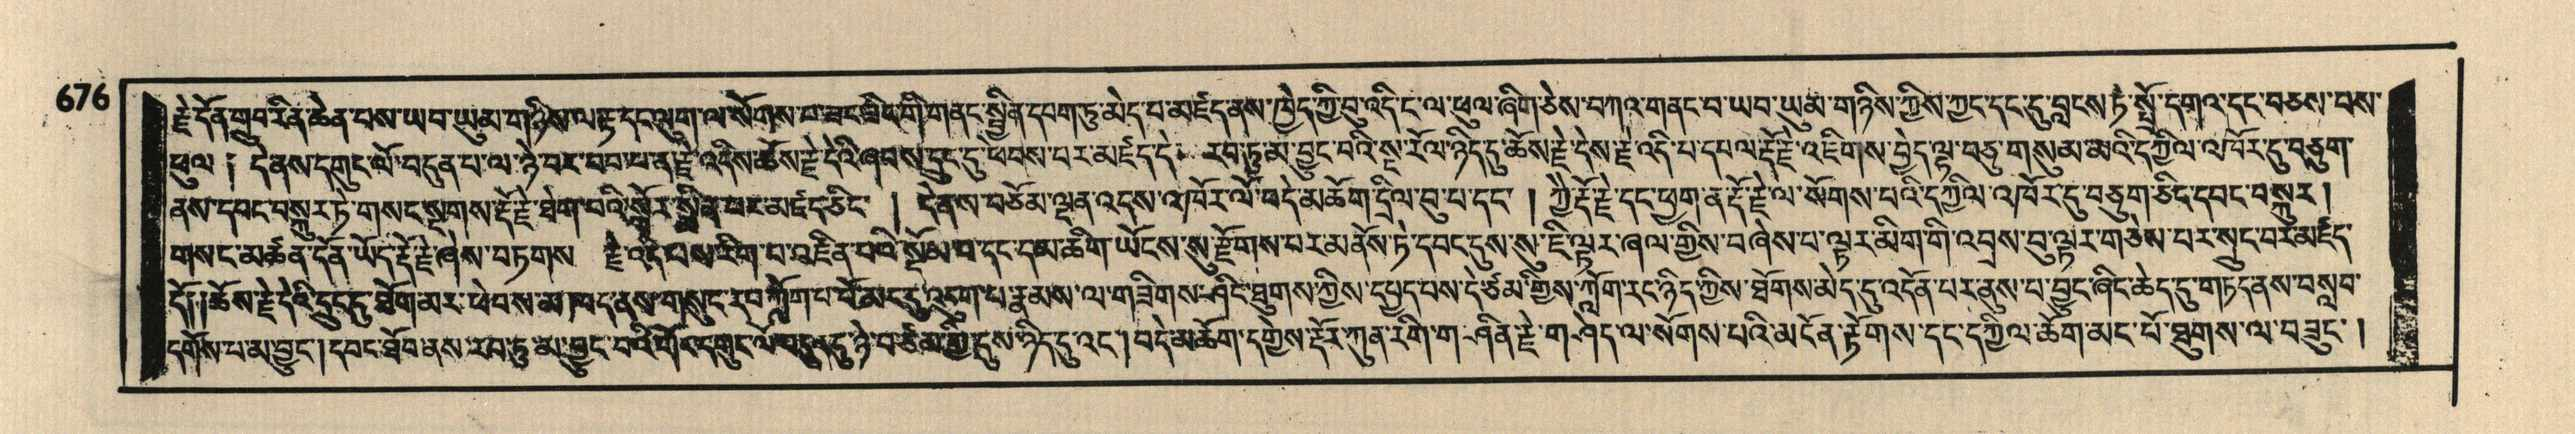རྗེ་དོན་གྲུབ་རིན་ཆེན་པས་ཡབ་ཡུམ་གཉིས་ལ་རྟ་དང་ལུག་ལ་སོགས་པ་ཟང་ཟིང་གི་གནང་སྦྱིན་དཔག་ཏུ་མེད་པ་མཛད་ནས་ཁྱེད་ཀྱི་བུ་འདི་ལྔ་ལ་ཕུལ་ཞིང་ཅེས་བཀའ་གནང་བ་ཡབ་ཡུམ་གཉིས་ཀྱིས་ཀྱང་དང་དུ་བླངས་ཏེ་སྤྲོ་དགའ་དང་བཅས་པས་
ཕུལ༑ དེ་ནས་དགུང་ལོ་བདུན་པ་ལ་ཉེ་བར་བབ་པ་ན་རྗེ་འདིས་ཆོས་རྗེ་དེའི་ཞབས་དྲུང་དུ་ཕེབས་པར་མཛད་དེས་རབ་ཏུ་མ་བྱུང་བའི་སྔ་རོལ་ཉིད་དུ་ཆོས་རྗེ་དེས་རྗེ་འདི་པ་དཔལ་རྡོ་རྗེ་འཇིགས་བྱེད་ལྷ་བཅུ་གསུམ་མའི་དཀྱིལ་འཁོར་དུ་བཅུག་
ནས་དབང་བསྐུར་ཏེ་གསང་སྔགས་རྡོ་རྗེ་ཐེག་པའི་སྐོར་སྨིན་པར་མཛད་ཅིང་། དེ་ནས་བཅོམ་ལྡན་འདས་འཁོར་ལོ་བདེ་མཆོག་དྲིལ་བུ་པ་དང་། ཀྱཻ་རྡོ་རྗེ་དང་ཕྱག་ན་རྡོ་རྗེ་ལ་སོགས་པའི་དཀྱིལ་འཁོར་དུ་བཅུག་ཅིང་དབང་བསྐུར།
གསང་མཚན་དོན་ཡོད་རྡོ་རྗེ་ཞེས་བཏགས། རྗེ་འདི་པས་རིག་པ་འཛིན་པའི་སྡོམ་བ་དང་དམ་ཚིག་ཡོངས་སུ་རྫོགས་པར་མནོས་ཏེ་དབང་དུས་སུ་ཇི་ལྟར་ཞལ་གྱིས་བཞེས་པ་ལྟར་མིག་གི་འབྲས་བུ་ལྟར་གཅེས་པར་སྲུང་བར་མཛད་
དོ༑ ༑ཆོས་རྗེ་དེའི་དྲུང་དུ་ཐོག་མར་ཕེབས་མཁད་ནས་གསུང་རབ་ཀློག་པ་བོ་མང་དུ་འདུག་པ་རྣམས་ལ་གཟིགས་ཤིང་ཐུགས་ཀྱིས་དཔྱད་པས་དེ་ཙམ་གྱིས་ཀློག་རང་ཉིད་ཀྱིས་ཐོགས་མེད་དུ་འདོན་པར་ནུས་པ་བྱུང་ཞིང་ཆེད་དུ་གཏད་ནས་བསླབ་
དགོས་པ་མ་བྱུང་། དབང་ཐོབ་ནས་རབ་ཏུ་མ་བྱུང་བའི་གོང་དགུང་ལོ་བདུན་དུ་ཉེ་བ་ཙམ་གྱི་དུས་ཉིད་དུ་འང་། བདེ་མཆོག་དགྱེས་རྡོར་ཀུན་རིག་གཤིན་རྗེ་གཤེད་ལ་སོགས་པའི་མངོན་རྟོགས་དང་དཀྱིལ་ཆོག་མང་པོ་ཐུགས་ལ་བཟུང་།